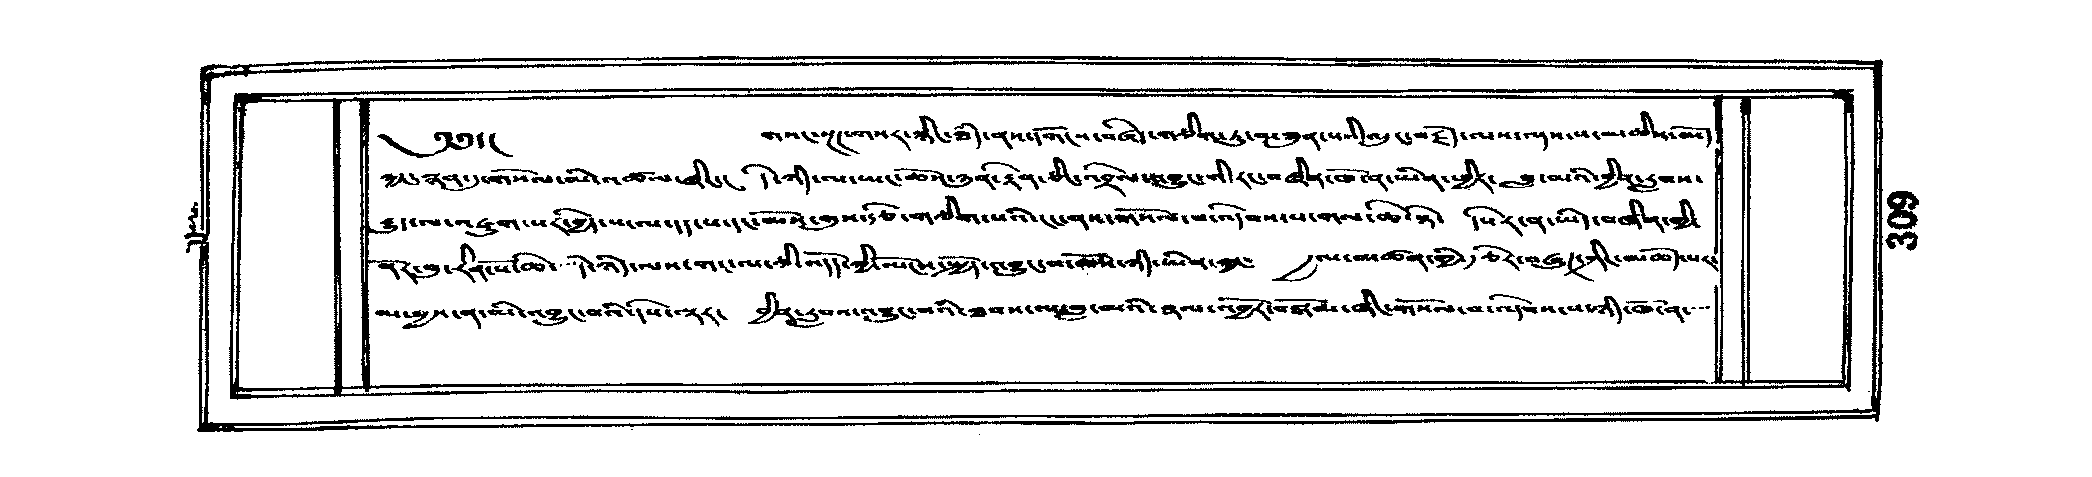གསང་སྔགས་གསར་སྙིང་ཐམས་ཅད་ནས་དགོངས་བཞེད་གཅིག་ཏུ་མཐུན་པའི་ལུང་བརྗོད་ལས་འདས་པ་མཆིས་མོད་
ཀྱང་སྙན་དུ་གསོལ་མི་འཚལ་ཞིང་། དེ་ཉིད་ལ་ཡང་ཆོས་ཀུན་རྟེན་ཅིང་འབྲེལ་འབྱུང་གི་རང་བཞིན་ཁོ་ན་ཡིན་ཕྱིར། བླ་མའི་བྱིན་རླབས་
རྒྱུད་ལ་འཇུག་པར་བྱེད་པ་ལ་དད་པ་དང་མོས་གུས་རྩེ་གཅིག་པའི་ངང་ནས་གསོལ་བ་འདེབས་པ་གལ་ཆེ་སྟེ། དཔེར་ན་ཡིད་བཞིན་གྱི་
ནོར་བུ་རིན་པོ་ཆེ་དེ་ཉིད་ལས་གང་ལ་ཅི་འདོད་ཀྱི་ལོངས་སྤྱོད་འབྱུང་བ་ཆོས་ཉིད་ཡིན་ཀྱང་། རྒྱལ་མཚན་གྱི་རྩེར་བཞུགས་ཤིང་མཆོད་པར་
མ་བྱས་ན་མི་འབྱུང་བའི་དཔེ་ལྟར། བྱིན་རླབས་འབྱུང་བའི་ཐབས་ལ་བླ་མའི་རྣལ་འབྱོར་བསྒོམ་་ཞིང་གསོལ་བ་འདེབས་པ་ཉིད་ཁོ་ན་